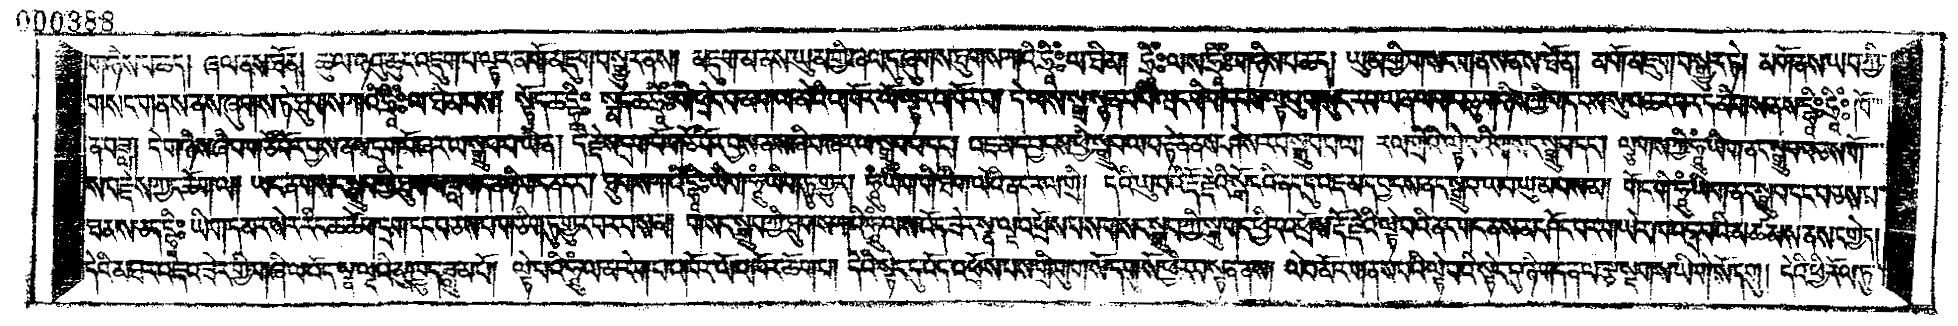གཉིས་པ་ཆད། ཞལ་ནས་ཐོན། ཆུ་ལ་གདུ་?་ཆུང་འཇུག་པ་པ་ལྟར་མགོ་མཇུག་བསྒྱུར་ནས། མཇུག་མ་ནས་ཡུམ་གྱི་ཞལ་དུ་ཞུགས་ཐུགས་ཀའི་ཧྲཱིཾཿ ལ་ཐིམ། ཧྲཱིཾཿ ལས་ཧྲཱིཾཿ གཉིས་པ་ཆད། ཡུམ་གྱི་གསང་གནས་ནས་ཐོན། མགོ་མཇུག་བསྒྱུར་ཏེ། མགོ་ནས་ཡབ་ཀྱི་
གསང་གནས་ནས་ཞུགས་ཏེ་ཐུགས་ཀའི་ཧྲཱིཾཿ ལ་ཐིམ་པས། སྟོད་ཆ་དྷཱིཿ སྨད་ཆ་ཧྲཱིཾཿ གི་ཕྲེང་བ་མགལ་མེའི་འཁོར་ལོ་ལྟར་འཁོར་བ། དེ་ལས་སྒྲ་སྙན་པ་པི་ཝང་གི་གདངས་ལྟ་བུ་གསུང་རབ་ཡན་ལག་བཅུ་གཉིས་ཀྱི་གདངས་སུ་འཆར་བར་དམིགས་ནས་དྷཱིཿ ཧྲཱིཾཿ ཁོ་
ན་བཟླ། དེ་གཉིས་ཞི་བ་གཙོ་བོར་བྱས་ནས་དྲག་པོ་ཞར་ལ་སྒྲུབ་པ་ཡིན། དེ་རྗེས་དྲག་པོ་གཙོ་བོར་བྱས་ནས་ཞི་བ་ཞར་ལ་སྒྲུབ་པ་དང་། འཇམ་དབྱངས་ཕྱི་སྒྲུབ་ལ་བརྟེན་ནས་ཤེས་རབ་སྒྲུབ་པ་ལ། རལ་གྲིའི་ལྟེ་བའི་གསང་སྒྲུབ་དང་། ལྕགས་ཀྱི་ཧཱུཾ་ཡིག་ནང་སྒྲུབ་བཅས་གོ་
ས་བརྗེས་ཀྱང་ཆོག་ལ། ཡང་ན་གསང་སྒྲུབ་ཀྱི་ཐུགས་ཟླ་གདན་ཉི་གདན་དང་། ཐུགས་ཀའི་དྷཱིཿ ཡིག་ཧཱུཾ་ཡིག་ཏུ་གྱུར། ཧཱུཾ་ཡིག་གི་ཐིག་ལེའི་ནང་རལ་གྲི། དེའི་ཡུ་བའི་རྡོ་རྗེའི་སྒོ་ངའི་ནང་དུ་འཇམ་དབྱངས་ནང་སྒྲུབ་ཡབ་ཡུམ་བསམ། གོང་གི་ཧཱུཾ་ཡིག་ནང་སྒྲུབ་དང་བཅས་པ་
ཐམས་ཅད་དྷཱིཿ ཡིག་དམར་སེར་རིང་ཆ་ཚེག་དྲག་དང་བཅས་པ་གཅིག་ཏུ་གྱུར་བར་བསམ། གསང་སྒྲུབ་ཀྱི་ཐུགས་ཀའི་ཧཱུཾ་ལས་འོད་ཟེར་སྣ་ལྔ་འཕྲོས་པས་གསང་སྒྲུབ་ཀྱི་སྐུ་གང་ཕྱིར་འཕྲོས་རྡོ་རྗེའི་ལྟེ་བའི་ནང་གང་ནས་མ་ཤོང་བར་གཡེར་ཁ་འདྲ་བའི་མཚམས་ནས་དགྱེད།
དེའི་མཐར་འཇའ་ཟེར་གྱི་གཞི་ལ་འོད་སྣ་ལྔའི་མུ་ཁྱུད་ཟླུམ་པོ། ལྟེ་བའི་ཧཱུཾ་ལམ་རེག་པ་འཁོར་ལོ་འཁོར་ཆོག་པ། དེའི་སྟེང་དུ་འོད་འཕྲོས་པས་གྲི་གུག་སོ་དགུ་སོ་ཕྱིར་བསྟན་ནས། ལེབ་མོར་གནས་པའི་ལྟེ་བའི་སྟེང་དུ་ཉི་གདན་ལ་རྩ་སྔགས་ཡི་གེ་སོ་དགུ། དེའི་ཕྱི་རོལ་ཏུ་